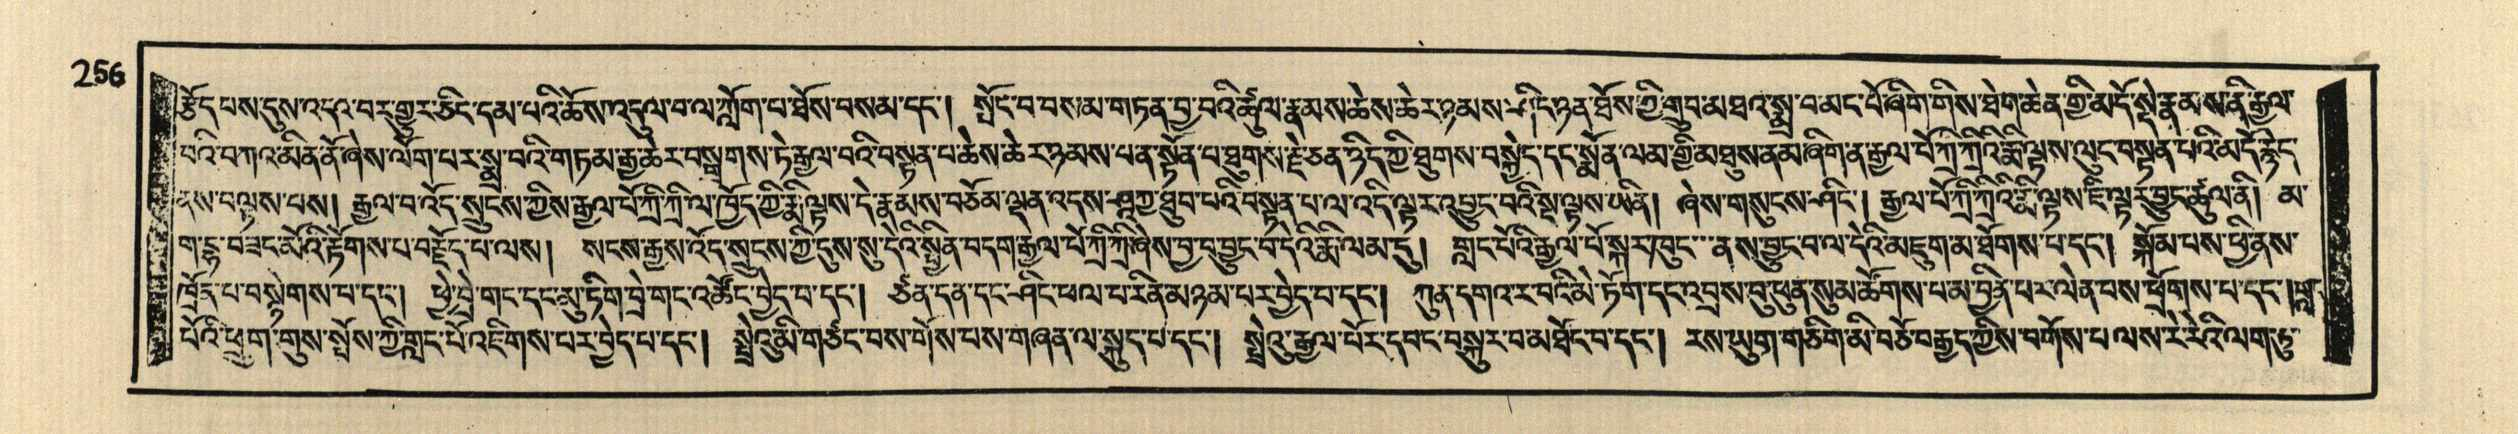རྩོད་པས་དུས་འདའ་བར་གྱུར་ཅིང་དམ་པའི་ཆོས་འདུལ་བ་ལ་ཀློག་པ་ཐོས་བསམ་དང་། སྤོང་བ་བསམ་གཏན་བྱ་བའི་ཚུལ་རྣམས་ཆེས་ཆེར་ཉམས་ཤིང་ཉན་ཐོས་ཀྱི་གྲུབ་མཐའ་སྨྲ་བ་མང་པོ་ཞིག་གིས་ཐེག་ཆེན་གྱི་མདོ་སྡེ་རྣམས་ནི་རྒྱལ་
བའི་བཀའ་མིན་ནོ་ཞེས་ལོག་པར་སྨྲ་པའི་གཏམ་རྒྱ་ཆེར་བསྒྲགས་ཏེ་རྒྱལ་བའི་བསྟན་པ་ཆེས་ཆེར་ཉམས་པ་ན་སྟོན་པ་ཐུགས་རྗེ་ཅན་ཉིད་ཀྱི་ཐུགས་བསྐྱེད་དང་སྨོན་ལམ་གྱི་མཐུས་ནམ་ཞིག་ན་རྒྱལ་པོ་ཀྲི་ཀྲིའི་རྨི་ལྟས་ལུང་བསྟན་པའི་མདོ་རྙེད་
ནས་བལྟས་པས། རྒྱལ་བ་འོད་སྲུངས་ཀྱིས་རྒྱལ་པོ་ཀྲི་ཀྲི་ལ་ཁྱོད་ཀྱི་རྨི་ལྟས་དེ་རྣམས་བཅོམ་ལྡན་འདས་ཤཱཀྱ་ཐུབ་པའི་བསྟན་པ་ལ་འདི་ལྟར་འབྱུང་བའི་སྔ་ལྟས་ཡིན། ཞེས་གསུངས་ཤིང་། རྒྱལ་པོ་ཀྲི་ཀྲིའི་རྨི་ལྟས་ཇི་ལྟར་བྱུང་ཚུལ་ནི། མ་
ག་དྷ་བཟང་མོའི་རྟོགས་པ་བརྗོད་པ་ལས། སངས་རྒྱས་འོད་སྲུངས་ཀྱི་དུས་སུ་དེའི་སྤྱིན་བདག་རྒྱལ་པོ་ཀྲི་ཀྲི་ཞེས་བྱ་བ་བྱུང་བ་དེའི་རྨི་ལམ་དུ། གླང་པོའི་རྒྱལ་པོ་སྐར་ཁུང་ནས་བྱུང་བ་ལ་དེའི་མཇུག་མ་ཐོགས་པ་དང་། སྐོམ་པས་ཕྱི་ནས་
ཁྲོན་པ་བསྙེགས་པ་དང་། ཕྱེ་བྲེ་གང་དང་མུ་ཏིག་བྲེ་གང་འཚོང་བྱེད་པ་དང་། ཙན་དན་དང་ཤིང་ཕལ་པ་རིན་མཉམ་པར་བྱེད་པ་དང་། ཀུན་དགའ་རབ་བའི་མེ་ཏོག་དང་འབྲས་བུ་ཕུན་སུམ་ཚོགས་པ་མ་བྱིན་པར་ལེན་བས་ཕྲོགས་པ་དང་། གླང་
པོའི་ཕྲུག་གུས་སྤོས་ཀྱི་གླང་པོ་འཇིགས་པར་བྱེད་པ་དང་། སྤྲེའུ་མི་གཙང་བས་གོས་པས་གཞན་ལ་སྐུད་པ་དང་། སྤྲེའུ་རྒྱལ་པོར་དབང་བསྐུར་བ་མཐོང་བ་དང་། རས་ཡུག་གཅིག་མི་བཅོ་བརྒྱད་ཀྱིས་བགོས་པ་ལས་རེ་རེའི་ལག་ཏུ་